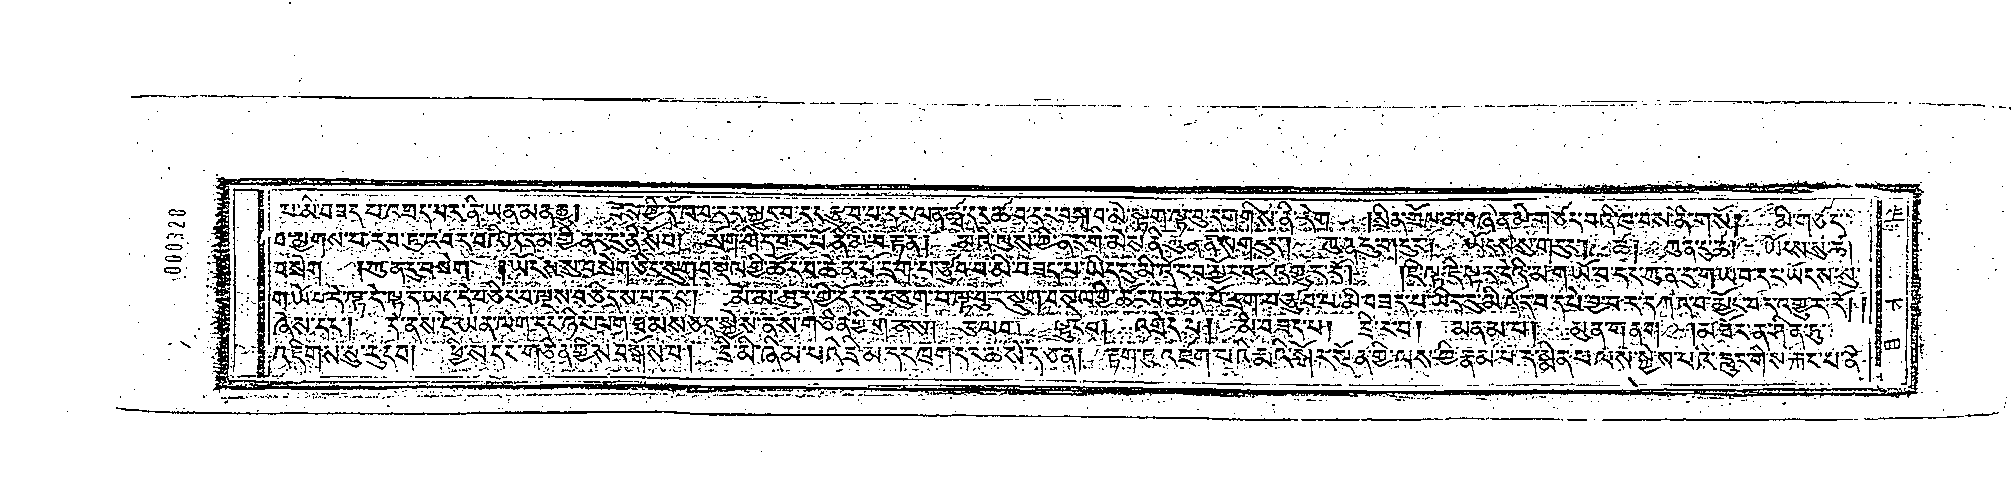པ་མི་བཟང་པ་འགྲང་པར་ནི་ཡན་མན་རྒྱུ། ཟས་ཀྱི་རོ་ཁ་བདང་སྐྱུར་བ་དང་རྩུབ་པ་དང་ལན་ཚྭ་དང་ཚ་བ་དང་བསྐ་བ་མེ་སྟག་ལྟ་བུ་དག་གིས་ནི་རེག །སྲིན་གྲོལ་མ་བཞིན་མི་གཙད་བའི་ཁུ་བས་ནི་གསོ། མི་གཙང་
བ་མྱགས་པ་རབ་ཏུ་འབར་བའི་འདམ་གྱི་ནང་དུ་ནི་སོ་པ། སྲོག་གི་དབང་པོ་ནི་མི་བརྟན། མའི་ལུས་ཀྱི་ནང་གི་མེས་ནི་ཀུན་ནས་གདུད། ཀུན་དུ་གདུང་། ཡོངས་སུ་གདུང་། ཚ། ཀུན་དུ་ཚ། ཡོངས་སུ་ཚ།
བསྲེག །ཀུན་དུ་བསྲེག །ཡོངས་སུ་བསྲེག་ཅིང་སྡུག་བསྔལ་གྱི་ཚོར་བ་ཆེན་པོ་དྲག་པ་རྩུབ་པ་མི་བཟད་པ་ཡིད་དུ་མི་འོང་བ་མྱོང་བར་འགྱུར་རོ། །ཇི་ལྟ་ཇི་ལྟར་དེའི་མ་གཡོ་བ་དང་ཀུན་དུ་གཡབ་དང་ཡོངས་སུ་
གཡོ་བ་དེ་ལྟ་དེ་ལྟར་ཡང་དེ་བཅིང་པ་ལྔས་བཅིངས་པ་དང་། མེ་མ་མུར་གྱི་དོང་དུ་བཅུག་པ་ལྟ་བུར་སྡུག་བསྔལ་གྱི་ཚོང་བ་ཆེན་པོ་དྲག་བརྩུབ་པ་མི་བཟད་པ་ཡིད་དུ་མི་འོང་བ་དཔེ་བྱ་བར་དཀའ་བ་མྱོང་བར་འགྱུར་རོ། །
ཞེས་དང་། དེ་ནས་དེ་ཡན་ལག་དང་ཉིད་ལག་ཐམས་ཅད་སྐྱེས་ནས་གཅིན་གྱི་གནས། དུལ་བ། ལྟུང་བ། འགྲེད་པ། མི་བཟད་པ། དྲི་ང་པ། མནམ་པ། མུན་གནབ། །མཐོང་ན་ཤིན་ཏུ་
འཇིགས་སུ་རུང་བ། ཕྱི་ས་དང་གཅིན་གྱིས་བསྒོས་པ། དྲི་མི་ཞིམ་པའི་དྲི་མ་དང་ཁྲག་དང་ཆ་སེར་ཅན། རྟག་ཏུ་འཛག་པའི་རྨའི་སྒོར་སྔོན་གྱི་ལས་ཀྱི་རྣམ་པར་སྨིན་པ་ལས་སྐྱེས་པའི་རླུང་གིས་རྐང་པ་ནི་